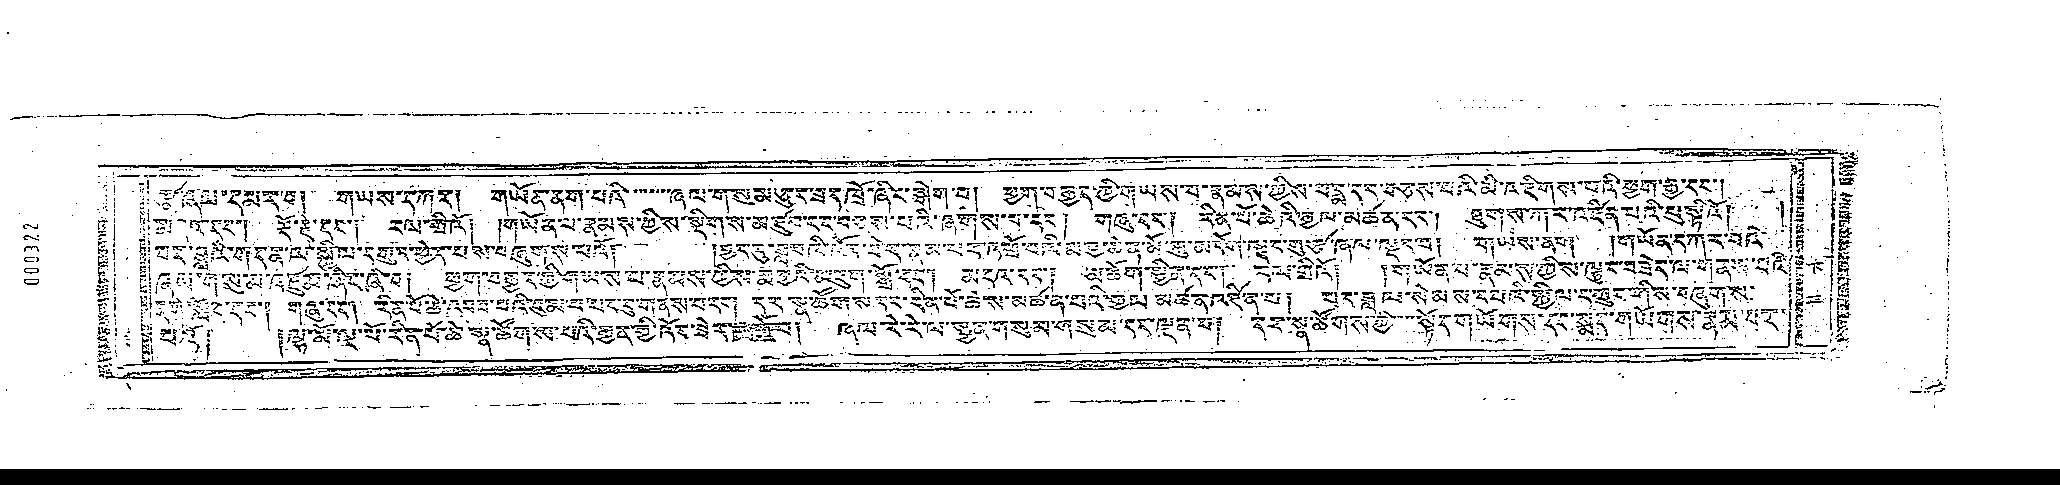རྩ་ཞལ་དམར་པོ། གཡས་དགར། གཡོན་ནག་པའི་ཞལ་གསུམ་ཅུང་ཟད་ཁྲོ་ཞིང་སྒེག་པ། ཕྱག་བརྒྱད་ཀྱི་གཡས་པ་རྣམས་ཀྱིས་པདམ་དང་བཅས་པའི་མི་འཇིགས་པའི་ཕྱག་རྒྱ་དང་།
མདའ་དང་། རྡོ་རྗེ་དང་། རལ་གྲིའོ། །གཡོན་པ་རྣམས་ཀྱིས་སྡིགས་མཛུབ་དང་བཅས་པའི་ཞགས་པ་དང་། གཞུ་དང་། རིན་པོ་ཆེའི་རྒྱལ་མཚན་དང་། ཐུགས་ཀར་འཛིན་པའི་པུ་སྟིའོ། །
པད་ཟླའི་གདན་ལ་སྐྱིལ་དཀྲུང་ཕྱེད་པས་བཞུགས་པའོ། །བྱང་དུ་ཟླ་བའི་འོད་ཟེར་རྣམ་བར་འཕྲོ་བའི་རྨ་བྱ་ཆེན་མོ་སྐུ་མདོག་ལྗང་གུ་རྩ་ཞལ་ལྗང་བ། གཡས་ནག །གཡོན་དཀར་བའི་
ཞལ་གསུམ་འཛུམ་ཞིང་ཞི་བ། ཕྱག་བརྒྱད་ཀྱི་གཡས་པ་རྣམས་ཀྱིས་རྨ་བྱའི་མཇུག་སྒྲོ་དང་། མདའ་དང་། མཆོག་སྦྱིན་དང་། རལ་གྲིའོ། །གཡོན་པ་རྣམས་ཀྱིས་ལྷུང་བཟེད་ལ་གནས་པའི་
དགེ་སློང་དང་། གཞུ་དང་། རིན་པོ་ཆེ་འབབ་པའི་བུམ་པ་པང་དུ་གནས་པ་དང་། དར་སྣ་ཚོགས་དང་རིན་པོ་ཆེས་མཚན་པའི་རྒྱལ་མཚན་འཛིན་པ། པད་ཟླ་ལ་སེམས་དཔའི་སྐྱིལ་དཀྲུང་གིས་བཞུགས་
པའོ། །ལྷ་མོ་ལྔ་པོ་རིན་པོ་ཆེ་སྣ་ཚོགས་པའི་རྒྱན་གྱི་འོད་ཟེར་འཕྲོ་བ། ཞལ་རེ་རེ་ལ་སྤྱན་གསུམ་གསུམ་དང་ལྡན་པ། དར་སྣ་ཚོགས་ཀྱི་སྟོང་གཡོགས་དང་སྨད་གཡོགས་རྣམ་པར་